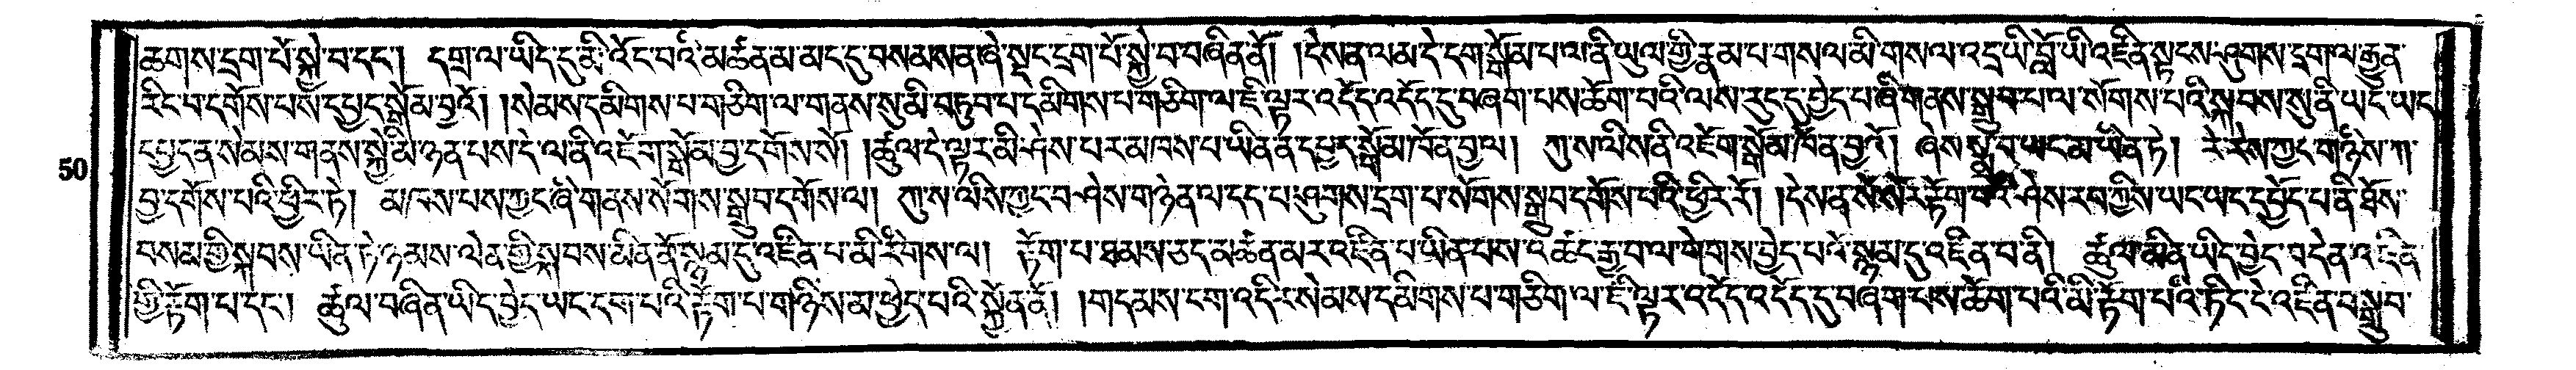ཆགས་དྲག་པོ་སྐྱེ་བ་དང་།དགྲ་ལ་ཡིད་དུ་མི་འོངས་བའི་མཚན་མང་དུ་བསམས་ན་ཞེ་སྡང་དྲག་པོ་སྐྱེ་བ་བཞིན་ནོ། །དེས་ན་ལམ་དེ་དག་སྒོམ་པ་ལ་ནི་ཡུལ་གྱི་རྣམ་པ་གསལ་མི་གསལ་འདྲ་ཡི་བློ་ཡི་འཛིན་སྟངས་ཤུགས་དྲག་ལ་རྒྱུན་
རིང་པ་དགོས་པས་དཔྱད་སྒོམ་བྱའོ། །སེམས་དམིགས་པ་གཅིག་ལ་གནས་སུ་མི་བཏུབ་པ་དམིགས་པ་གཅིག་ལ་ཇི་ལྟར་འདོད་འདོད་དུ་བཞག་པས་ཆོག་པའི་ལས་རུང་དུ་བྱེད་པ་ཞིག་ནས་སྒྲུབ་པ་ལ་སོགས་པའི་སྐབས་སུ་ནི་ཡང་ཡང་
དཔྱད་ན་སེམས་གནས་སྐྱེ་མི་ཉན་པས་དེ་ལ་ནི་འཇོག་སྒོམ་བྱ་དགོས་སོ། །ཚུལ་དེ་ལྟར་མི་ཤེས་པར་མཁས་པ་ཡིན་ན་དཔྱད་སྒོམ་ཁོ་ན་བྱ་ལ། ཀུ་ས་ལིས་ནི་འཇོག་སྒོམ་ཁོ་ན་བྱའོ། ཞེས་སྨྲ་བ་ཡང་མ་ཡིན་ཏེ། རེ་རེས་ཀྱང་གཉིས་ཀ་
བྱ་དགོས་པའི་ཕྱིར་ཏེ། མཁས་པས་ཀྱང་ཞི་གནས་སོགས་སྒྲུབ་དགོས་ལ། ཀུ་ས་ལིས་ཀྱང་བཤེས་གཉེན་ལ་དད་པ་ཤུགས་དྲག་པ་སོགས་སྒྲུབ་དགོས་པའི་ཕྱིར་རོ། །དེས་ན་སོ་སོར་རྟོག་པའི་ཤེས་རབ་ཀྱིས་ཡང་ཡང་དཔྱོད་པ་ནི་ཐོས་
བསམ་གྱི་སྐབས་ཡིན་ཏེ་ཉམས་ལེན་གྱི་སྐབས་མིན་ནོ་སྙམ་དུ་འཛིན་པ་མི་རིགས་ལ། རྟོག་པ་ཐམས་ཅད་མཚན་མར་འཛིན་པ་ཡིན་པས་འཚང་རྒྱ་བ་ལ་གེགས་བྱེད་པའོ་སྙམ་དུ་འཛིན་བ་ནི། ཚུལ་མིན་ཡིད་བྱེད་བདེན་འཛིན་
གྱི་རྟོག་པ་དང་། ཚུལ་བཞིན་ཡིད་བྱེད་ཡང་དག་པའི་རྟོག་པ་གཉིས་མ་ཕྱེད་པའི་སྐྱོན་ནོ། །གདམས་ངག་འདིར་སེམས་དམིགས་པ་གཅིག་ལ་ཇི་ལྟར་འདོད་འདོད་དུ་བཞག་པས་ཆོག་པའི་མི་རྟོག་པའི་ཏིང་ངེ་འཛིན་བསྒྲུབ་